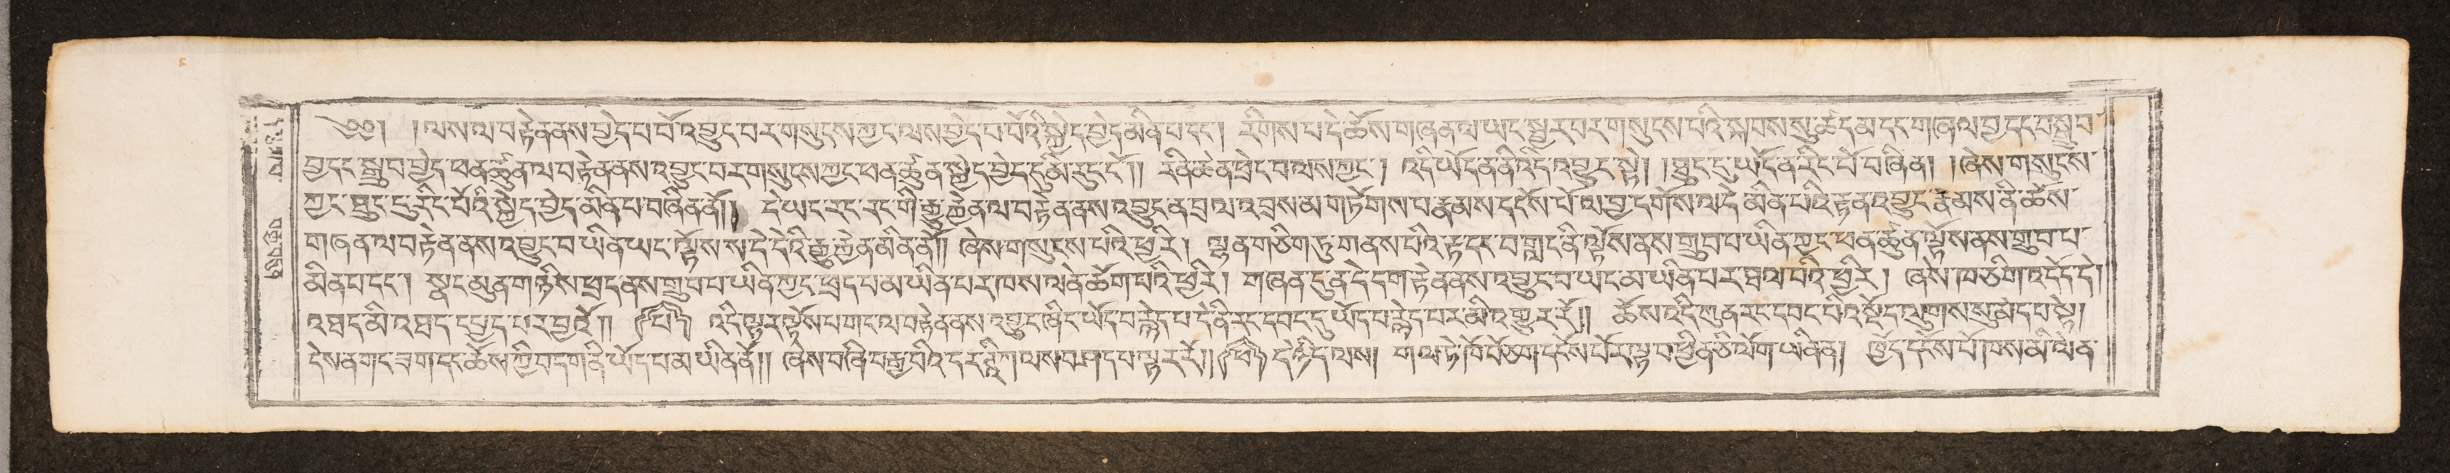༄༅། །ལས་ལ་བརྟེན་ནས་བྱེད་པ་པོ་འབྱུང་བར་གསུངས་ཀྱང་ལས་བྱེད་པ་བོའི་སྐྱེད་བྱེད་མིན་པ་དང་། རིགས་པ་དེ་ཆོས་གཞན་ལ་ཡང་སྦྱར་བར་གསུངས་པའི་སྐབས་སུ་ཚད་མ་དང་གཞལ་བྱ་དང་བསྒྲུབ་
བྱ་དང་སྒྲུབ་བྱེད་ཕན་ཚུན་ལ་བརྟེན་ནས་འབྱུང་བར་གསུངས་ཀྱང་ཕན་ཚུན་སྐྱེད་བྱེད་དུ་མི་རུང་ངོ། །རིན་ཆེན་ཕྲེང་བ་ལས་ཀྱང་། འདི་ཡོད་ན་ནི་འདི་འབྱུང་སྟེ། །ཐུང་དུ་ཡོད་ན་རིང་པོ་བཞིན། །ཞེས་གསུངས་
ཀྱང་ཐུང་དུ་རིང་པོའི་སྐྱེད་བྱེད་མིན་པ་བཞིན་ནོ། །དེ་ཡང་རང་རང་གི་རྒྱུ་རྐྱེན་ལ་བརྟེན་ནས་འབྱུང་ན་བྲལ་འབྲས་མ་གཏོགས་པ་རྣམས་དངོས་པོ་ལ་བྱ་དགོས་ལ་དེ་མིན་པའི་རྟེན་འབྱུང་རྣམས་ནི་ཆོས་
གཞན་ལ་བརྟེན་ནས་འབྱུང་བ་ཡིན་ཡང་ལྟོས་ས་དེ་དེའི་རྒྱུ་རྐྱེན་མིན་ནོ། །ཞེས་གསུངས་པའི་ཕྱིར། ལྷན་གཅིག་ཏུ་གནས་པའི་རྟ་དང་བ་གླང་ནི་ལྟོས་ནས་གྲུབ་པ་ཡིན་ཀྱང་ཕན་ཚུན་ལྟོས་ནས་གྲུབ་པ་
མིན་པ་དང་། སྣང་མུན་གཉིས་ཕྲད་ནས་གྲུབ་པ་ཡིན་ཀྱང་ཕྲད་པ་མ་ཡིན་པར་ཁས་ལེན་ཆོག་པའི་ཕྱིར། གཞན་དུ་ན་དེ་དག་རྟེན་ནས་འབྱུང་བ་ཡང་མ་ཡིན་པར་ཐལ་པའི་ཕྱིར། ཞེས་ཁ་ཅིག་འདོད་དེ།
འཐད་མི་འཐད་དཔྱད་པར་བྱའོ། །༼༽པ༼༽ འདི་ལྟར་ལྟོས་པ་གང་ལ་བརྟེན་ནས་འབྱུང་ཞིང་ཡོད་པ་རྙེད་པ་དེ་ནི་རང་དབང་དུ་ཡོད་པ་རྙེད་པར་མི་འགྱུར་རོ། །ཆོས་འདི་ཀུན་རང་དབང་པའི་སྡོད་ལུགས་སུ་མེད་པ་སྟེ།
དེས་ན་གང་ཟག་དང་ཆོས་ཀྱི་བདག་ནི་ཡོད་པ་མ་ཡིན་ནོ། །ཞེས་བཞི་བརྒྱ་བའི་དར་ཊཱིཀ་ལས་བཤད་པ་ལྟར་རོ། ། ༼༽ཕ༼༽ དེ་ཉིད་ལས། གལ་ཏེ་ཁོ་བོ་ཅག་དངོས་པོར་ལྟ་བ་ཕྱིན་ཅི་ལོག་ཡིན་ན། ཁྱོད་དངོས་པོ་ཁས་མི་ལེན་